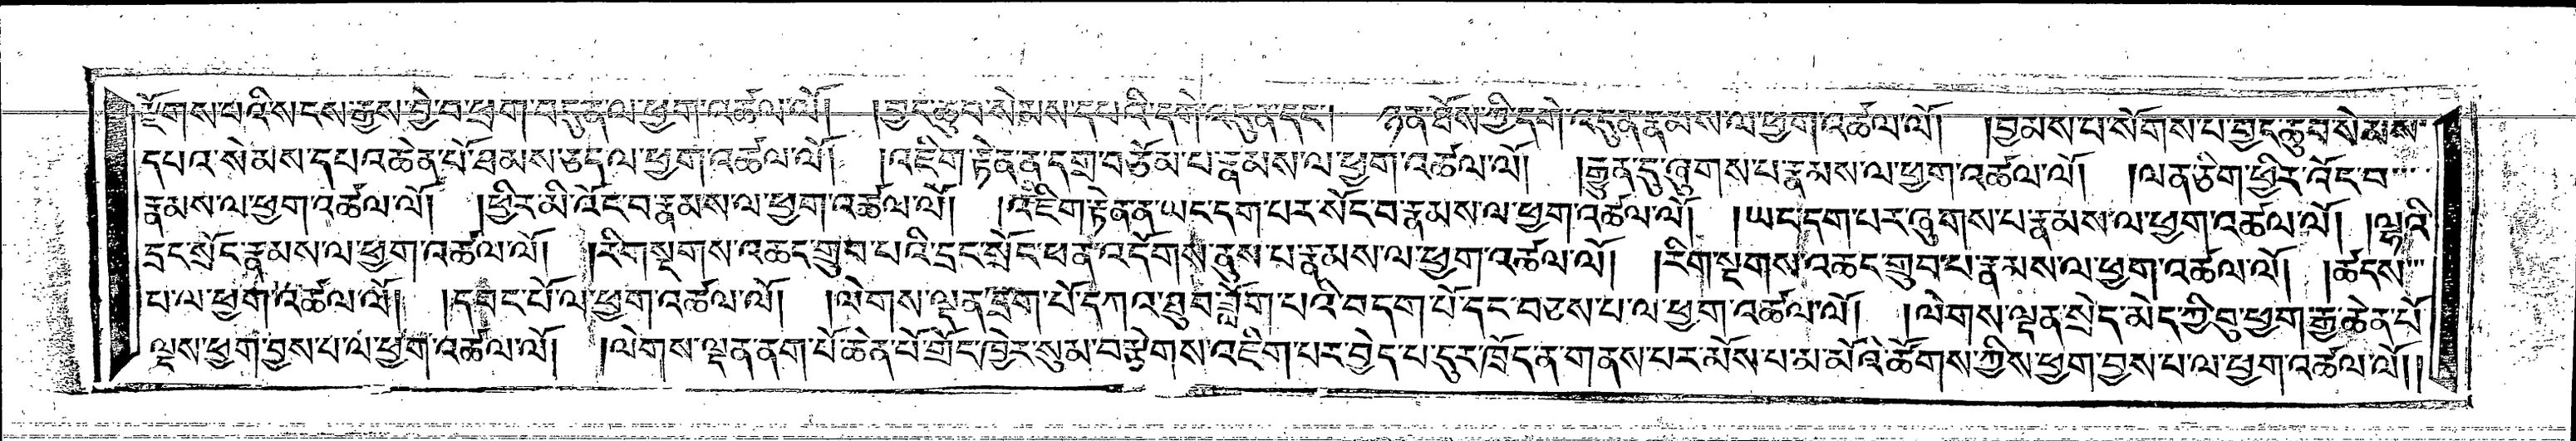རྫོགས་པའི་སངས་རྒྱས་བྱེ་བ་ཕྲག་བདུན་ལ་ཕྱག་འཚལ་ལོ། །བྱང་ཆུབ་སེམས་དཔའི་དགེ་འདུན་དང་། ཉན་ཐོས་ཀྱི་དགེ་འདུན་རྣམས་ལ་ཕྱག་འཚལ་ལོ། །བྱམས་པ་སོགས་པ་བྱང་ཆུབ་སེམས་
དཔའ་སེམས་དཔའ་ཆེན་པོ་ཐམས་ཅད་ལ་ཕྱག་འཚལ་ལོ། །འཇིག་རྟེན་ན་དགྲ་བཅོམ་པ་རྣམས་ལ་ཕྱག་འཚལ་ལོ། །རྒྱུན་དུ་ཞུགས་པ་རྣམས་ལ་ཕྱག་འཚལ་ལོ། །ལན་ཅིག་ཕྱིར་འོང་བ་
རྣམས་ལ་ཕྱག་འཚལ་ལོ། །ཕྱིར་མི་འོང་བ་རྣམས་ལ་ཕྱག་འཚལ་ལོ། །འཇིག་རྟེན་ན་ཡང་དག་པར་སོང་བ་རྣམས་ལ་ཕྱག་འཚལ་ལོ། །ཡང་དག་པར་ཞུགས་པ་རྣམས་ལ་ཕྱག་འཚལ་ལོ། །ལྷའི་
དྲང་སྲོང་རྣམས་ལ་ཕྱག་འཚལ་ལོ། །རིག་སྔགས་འཆང་གྲུབ་པའི་དྲང་སྲོང་ཕན་འདོགས་ནུས་པ་རྣམས་ལ་ཕྱག་འཚལ་ལོ། །རིག་སྔགས་འཆང་གྲུབ་པ་རྣམས་ལ་ཕྱག་འཚལ་ལོ། །ཚངས་
པ་ལ་ཕྱག་འཚལ་ལོ། །དབང་པོ་ལ་ཕྱག་འཚལ་ལོ། །ལེགས་ལྡན་དྲག་པོ་དཀའ་ཐུབ་ཟློག་པའི་བདག་པོ་དང་བཅས་པ་ལ་ཕྱག་འཚལ་ལོ། །ལེགས་ལྡན་སྲེད་མེད་ཀྱི་བུ་ཕྱག་རྒྱ་ཆེན་པོ་
ལྔས་ཕྱག་བྱས་པ་ལ་ཕྱག་འཚལ་ལོ། །ལེགས་ལྡན་ནག་པོ་ཆེན་པོ་གྲོང་ཁྱེར་སུམ་བརྩེགས་འཇིག་པར་བྱེད་པ་དུར་ཁྲོད་ན་གནས་པར་མོས་པ་མ་མོའི་ཚོགས་ཀྱིས་ཕྱག་བྱས་པ་ལ་ཕྱག་འཚལ་ལོ། །